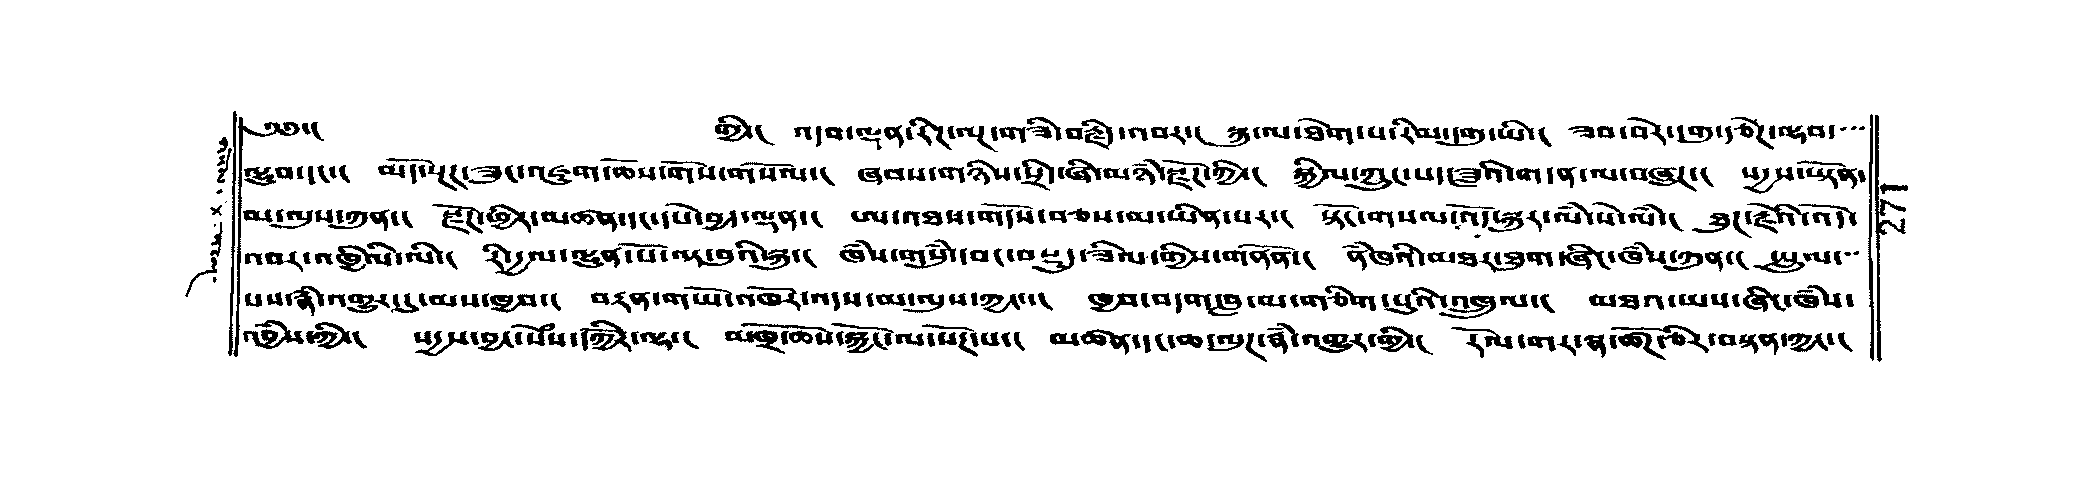གྱི། །འདབ་ལྡན་རིགས་ལྔ་གཟི་བརྗིད་འབར། །སྐུ་ལ་ཐེག་པ་རིམ་དགུ་ཡི། །ཟབ་བེར་དགུ་བརྩེགས་ལྷབ་
ལྷུབ་དང་། །མདོ་སྔགས་ཟུང་འཇུག་ཆོས་གོས་གསོལ། །ཞབས་གཉིས་སྲིད་ཞི་མཉམ་རྫོགས་ཀྱི། །སྐྱིལ་ཀྲུང་པད་ཟླའི་གདན་ལ་བཞུགས། །སངས་རྒྱས་ཡོན་ཏན་
མ་ལུས་ཀུན། །རྫོགས་ཕྱིར་མཚན་དང་དཔེ་བྱད་ལྡན། །ཨ་འཐས་གདོས་བཅས་མ་ཡིན་པར། །སྟོང་གསལ་འོད་སྐུར་ལམས་སེ་ལམ། །ཐུགས་རྗེའི་འོད་
འབར་འཁྱིལ་ལི་ལི། །རི་རྒྱལ་ལྷུན་པོ་ལྟ་བུའི་སྐུ། །ཁམས་གསུམ་དབང་བསྡུད་ཟིལ་གྱིས་གནོན། །ནམ་མཁའི་མཐར་ཐུག་ཞིང་ཁམས་ཀུན། །སྤྲུལ་
པའི་རྣམ་འགྱུར་དུ་མ་ཁྱབ། །བརྟན་གཡོ་འཁོར་འདས་མ་ལུས་ཀྱང་། །ཁྱབ་བདག་བླ་མ་གཅིག་པུའི་འཁྲུལ། །མཐའ་ཡས་ཞིང་ཁམས་
རབ་འབྱམས་ཀྱི། །སངས་རྒྱས་བྱང་སེམས་དཀྱིལ་འཁོར་ལྷ། །མཁའ་འགྲོ་ཆོས་སྐྱོང་ལ་སོགས་པ། །མཚན་དང་ཆ་ལུགས་རྣམ་འགྱུར་གྱི། །རོལ་གར་སྣ་ཚོགས་ཅིར་བསྟན་ཀྱང་།